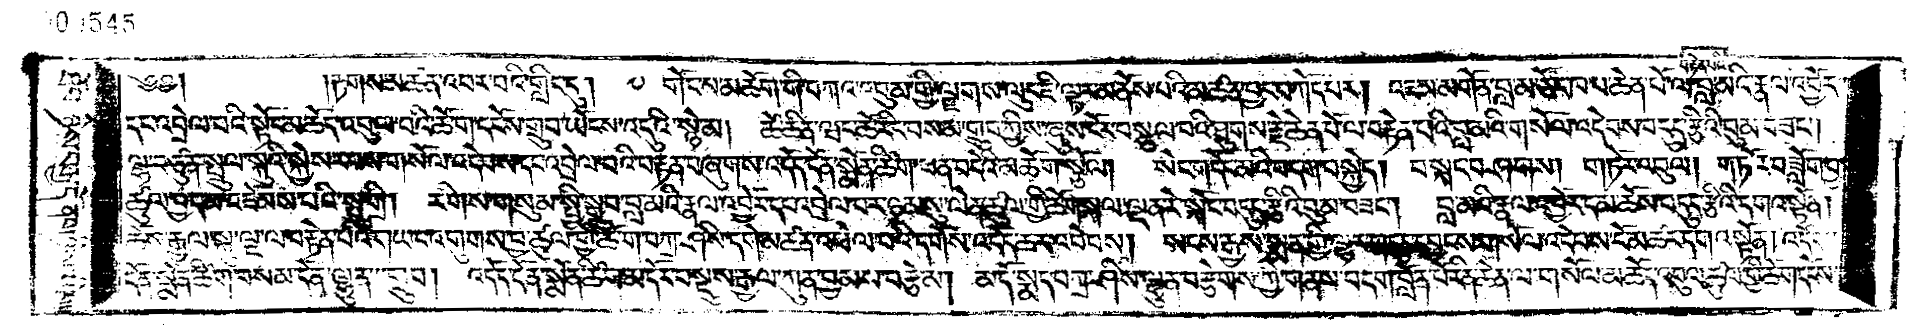༄༅། །རྟགས་མཚན་འབར་བའི་གླིང་དུ། ༧་གོང་ས་མཆོག་གི་བཀའ་འབུམ་གྱི་ལྗགས་ལུང་ཇི་ལྟར་མནོས་པའི་མཚན་བྱང་བཀོད་པར། འཇམ་མགོན་བླ་མ་ཙོང་ཁ་པ་ཆེན་པོ་ལ་བརྟེན་པའི་བླ་མའི་རྣལ་འབྱོར་
དང་འབྲེལ་བའི་སྟོང་མཆོད་འབུལ་བའི་ཆོ་ག་དངོས་གྲུབ་ཡོངས་འདུའི་སྙེ་མ། ཚེ་ཆིན་ཝང་ཚེ་རིང་བསམ་གྲུབ་ཀྱིས་ཞུས་ངོར་བསྩལ་བའི་ཐུགས་རྗེ་ཆེན་པོ་ལ་བརྟེན་པའི་བླ་མའི་གསོལ་འདེབས་བདུད་རྩིའི་བུམ་བཟང་།
ལྷ་བཙུན་སྤྲུལ་སྐུའི་སྐྱེས་རབས་གསོལ་འདེབས་དང་འབྲེལ་བའི་བརྟན་བཞུགས་འདོད་དོན་སྨོན་ཚིག་ཕན་བདེའི་མཆོག་སྩོལ། སེང་གདོང་མའི་བདག་བསྐྱེད། བསྐང་བཤགས། གཏོར་འབུལ། གཏོར་བཟློག་བྱ་
ཚུལ་བྱད་མ་འཇོམས་པའི་སྤུ་གྲི། རིགས་གསུམ་སྤྱི་སྒྲུབ་བླ་མའི་རྣལ་འབྱོར་དང་འབྲེལ་བར་ཉམ་སུ་ལེན་ཚུལ་གྱི་ཆོ་ག་སྐལ་ལྡན་རེ་སྐོང་བདུད་རྩིའི་བུམ་བཟང་། བླ་མའི་རྣལ་འབྱོར་དམ་ཆོས་བདུད་རྩིའི་དགའ་སྟོན།
ཆོས་རྒྱལ་སྐུ་ལྔ་ལ་བརྟེན་པའི་གཡང་འགུགས་བྱ་ཚུལ་གྱི་ཆོ་ག་བཀྲ་ཤིས་དགེ་མཚན་འཕེལ་བའི་དགོས་འདོད་ཆར་འབེབས། སངས་རྒྱས་སྨན་གྱི་ལྷར་གདུང་དབྱངས་གསོལ་འདེབས་ངོ་མཚར་དགའ་སྟོན། འདོད་
དོན་སྨོན་ཚིག་བསམ་དོན་ལྷུན་གྲུབ། འདོད་དོན་སྨོན་ཚིག་མདོར་བསྡུས་རྒྱལ་ཀུན་བྱམས་བརྩེ་མ། མདོ་སྨད་བཀྲ་ཤིས་ལྷུན་བརྩེགས་ཀྱི་གནས་བདག་བློན་པོ་རིན་ཆེན་ལ་གསོལ་མཆོད་འབུལ་ཚུལ་གྱི་ཆོ་ག་དངོས་